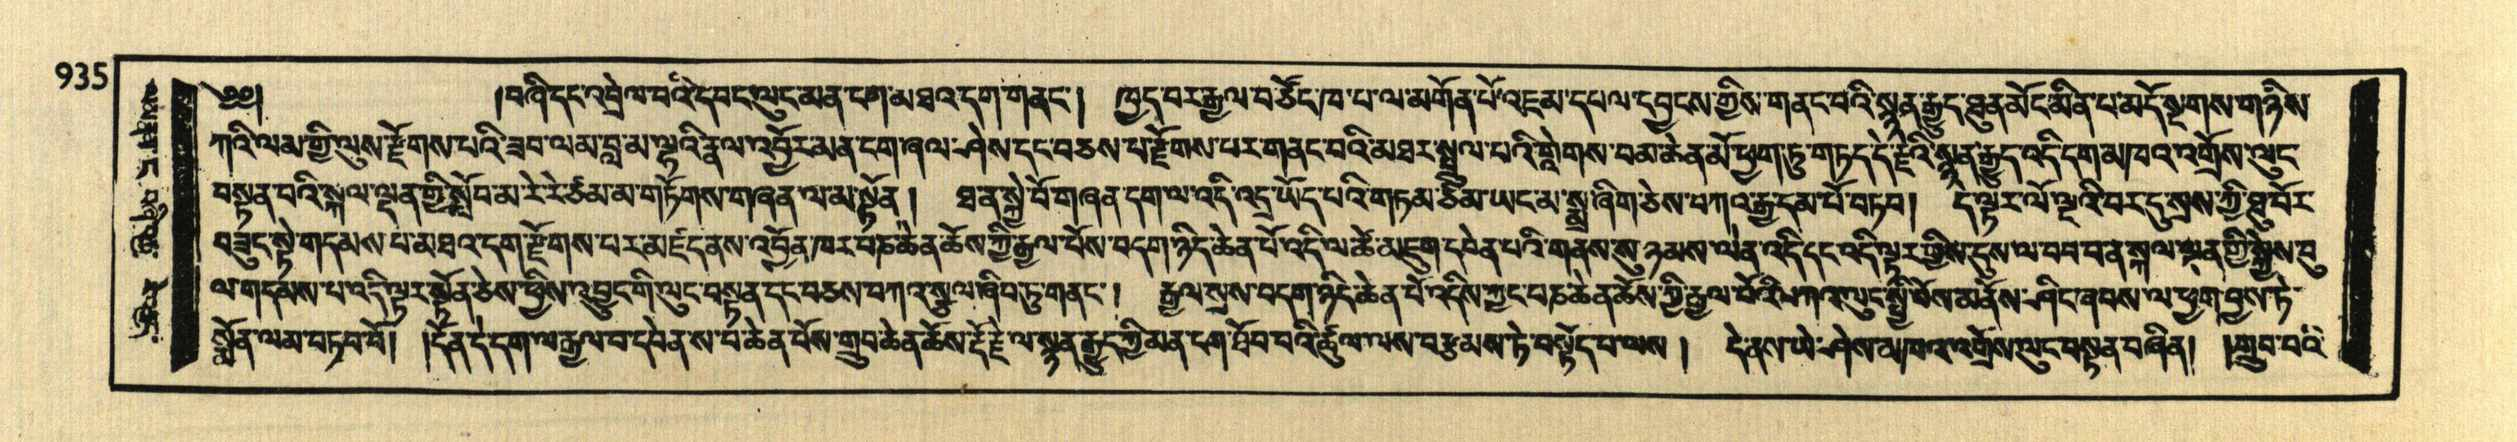༄༅། །བཞི་དང་འབྲེལ་བའི་དབང་ལུང་མན་ངག་མཐའ་དག་གནང་། ཁྱད་བར་རྒྱལ་བ་ཙོང་ཁ་པ་ལ་མགོན་པོ་འཇམ་དཔལ་དབྱངས་གྱིས་གནང་བའི་སྙན་རྒྱུད་ཐུན་མོང་མིན་པ་མདོ་སྔགས་གཉིས་
ཀའི་ལམ་གྱི་ལུས་རྫོགས་པའི་ཟབ་ལམ་བླ་མ་ལྷའི་རྣལ་འབྱོར་མན་ངག་ཞལ་ཤེས་དང་བཅས་པ་རྫོགས་པར་གནང་བའི་མཐར་སྤྲུལ་པའི་གླེགས་བམ་ཆེན་མོ་ཕྱག་ཏུ་གཏད་དེ་རྗེའི་སྙན་རྒྱུད་འདི་དག་མཁའ་འགྲོས་ལུང་
བསྟན་པའི་སྐལ་ལྡན་གྱི་སློབ་མ་རེ་རེ་ཙམ་མ་གཏོགས་གཞན་ལ་མ་སྟོན། ཐ་ན་སྐྱེ་བོ་གཞན་དག་ལ་འདི་འདྲ་ཡོད་པའི་གཏམ་ཙམ་ཡང་མ་སྨྲ་ཞིག་ཅེས་བཀའ་རྒྱ་དམ་པོ་བཏབ། དེ་ལྟར་ལོ་ལྔའི་བར་དུ་སྲས་ཀྱི་ཐུ་བོར་
བཟུང་སྟེ་གདམས་པ་མཐའ་དག་རྫོགས་པར་མཛད་ནས་འབྱོན་ཁར་པཎ་ཆེན་ཆོས་ཀྱི་རྒྱལ་པོས་བདག་ཉིད་ཆེན་པོ་འདི་ལ་ཚེ་མཇུག་དབེན་པའི་གནས་སུ་ཉམས་ལེན་འདི་དང་འདི་ལྟར་གྱིས་དུས་ལ་བབ་བ་ན་སྐལ་ལྡན་གྱི་སྐྱེས་བུ་
ལ་གདམས་པ་འདི་ལྟར་སྟོན་ཅེས་ཕྱིས་འབྱུང་གི་ལུང་བསྟན་དང་བཅས་བཀའ་སྩལ་ཞིབ་ཏུ་གནང་། རྒྱལ་སྲས་བདག་ཉིད་ཆེན་པོ་འདིས་ཀྱང་པཎ་ཆེན་ཆོས་ཀྱི་རྒྱལ་བོའི་བཀའ་ལུང་སྤྱི་བོས་མནོས་ཤིང་ཞབས་ལ་ཕྱག་བྱས་ཏེ་
སྨོན་ལམ་བཏབ་བོ། །དོན་དེ་དག་ལ་རྒྱལ་བ་དབེན་ས་བ་ཆེན་པོས་གྲུབ་ཆེན་ཆོས་རྡོ་རྗེ་ལ་སྙན་རྒྱུད་ཀྱི་མན་ངག་ཐོབ་བའི་ཚུལ་ལས་བརྩམས་ཏེ་བསྟོད་པ་ལས། དེ་ནས་ཡེ་ཤེས་མཁའ་འགྲོས་ལུང་བསྟན་བཞིན། །གྲུབ་པའི་